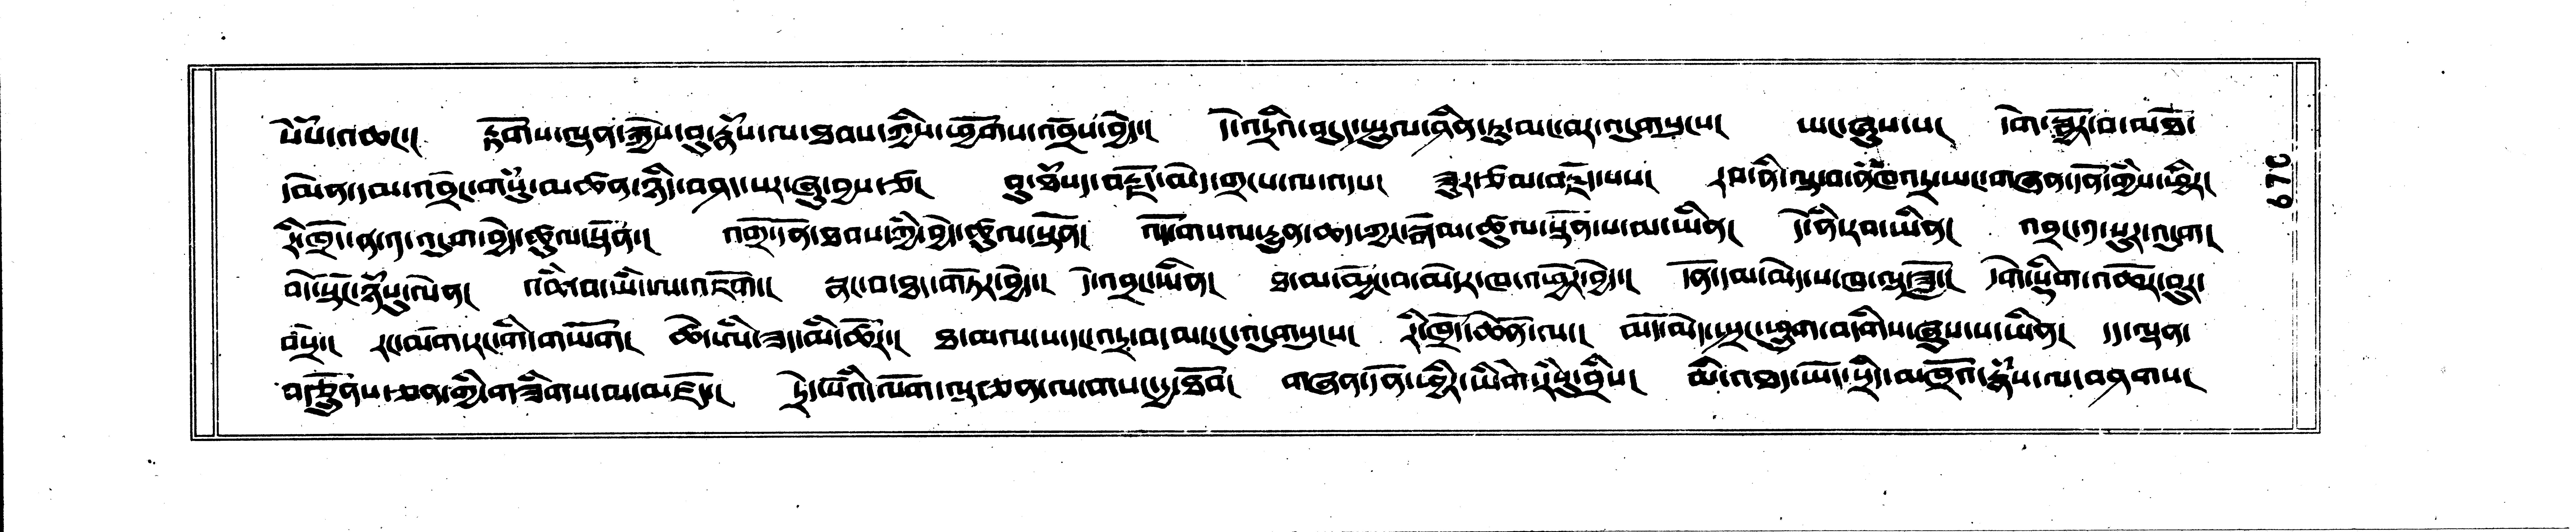སེམས་འཆང་། རྟོག་ལྡན་སྐྱེས་བུ་རྣམས་ལ་ཐབས་ཀྱི་ཕྱོགས་འབྲོས་བྱེད། དེ་འདྲའི་བདུད་སྤྲུལ་ཤིན་ཏུ་མང་པར་འདུག་གསུངས། ཡང་ཞུས་པ། དགེ་སྦྱོར་བ་མཐོན་
དམེན་འབྲིང་གསུམ་གྱིས་མཚན་ཉིད་བཤད་པར་ཞུ་བྱས་ཙ། བུ་ཐམས་ཅད་བརྗོད་མེད་གྲངས་ལ་དྷས་(འདས)། ཟུར་ཙམ་བརྗོད་པས། རབ་ནི་ལྟ་བ་ནམ་མཁའ་འདྲ་ཡང་གཞན་དོན་གྱིས་ཕྱིར་
རི་ཁྲོད་ན་གཅིག་འདུག་བྱེད་ཚུལ་སྟོན་། འགྲོ་དོན་ཐབས་ཀྱི་བྱེད་ཚུལ་སྟོན། འོད་གསལ་རྒྱུན་ཆད་མེད་ཀྱང་སྒོམ་ཚུལ་སྟོན། དེ་ནི་རབ་ཡིན། འབྲིང་གཅིག་བུར་འདུག 
བདེ་སྟོང་ཉམས་སུ་ལེན། འཆི་བ་ཡིད་ལ་འཇོགས། སྣང་བ་ཐམས་ཅད་གཏོར་བྱེད། དེ་ནི་འབྲིང་ཡིན། ཐ་མ་མྱོང་བ་མེད་པར་ཁ་ཕྱོར་བྱེད། དོན་དམ་མེད་པར་ཁ་ལྟ་ཟློག དགེ་སྡིག་ཆོལ་བུར་
བསྲེ། རང་མགོ་རང་གི་གཡོག། ཚེ་ཨི་ཟད་མི་ཚོར། ཐ་མལ་པ་དང་འདྲ་བ་ཡང་མང་པར་འདུག་གསུངས། རི་ཁྲོད་ཆེན་པོ་ལ། མདོ་མེད་སྤྲང་ཕྲུག་བདག་གིས་ཞུས་པ་ཡིན། དད་ལྡན་
བརྩོན་འགྲུས་ཅན་གྱིས་གཟིགས་མོ་མཛོད། དྲེད་པོ་ལོག་ལྟ་ཅན་ལ་གསང་རྒྱ་ཐོབ། གཞན་དོན་ཕྱིར་ན་ཡི་གེར་རིས་སུ་བཀོད། མི་འཐད་ཡོད་སྲིད་མཁའ་འགྲོ་རྣམས་ལ་བཤགས།